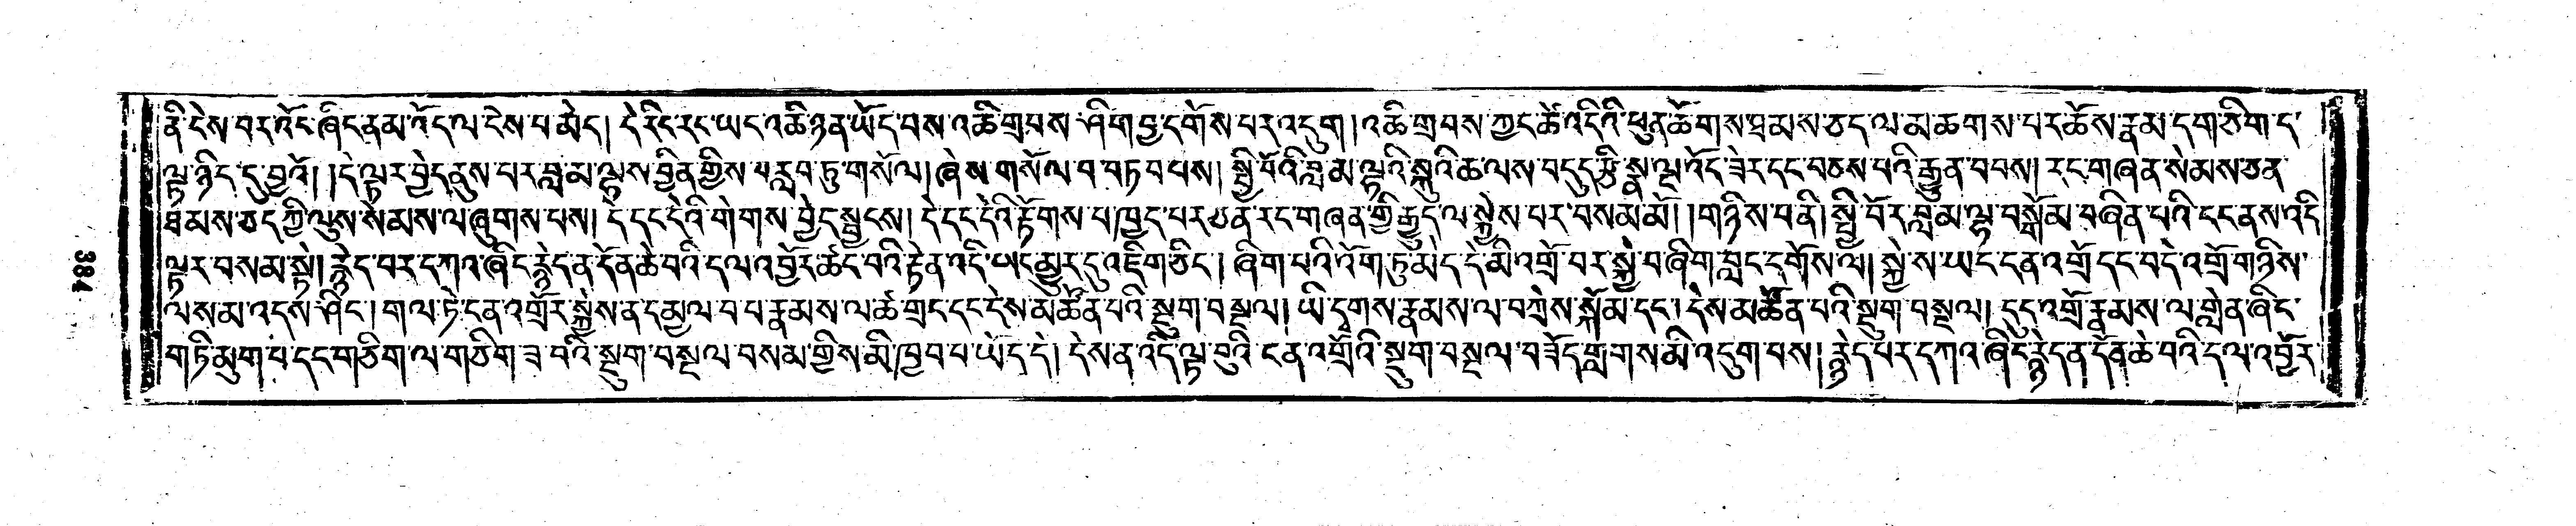ནི་ངེས་པར་འོང་ཞིང་ནམ་འོང་ལ་ངེས་པ་མེད། དེ་རིང་རང་ཡང་འཆི་ཉེན་ཡོད་པས་འཆི་གྲབས་ཤིག་བྱ་དགོས་པར་འདུག །འཆི་གྲབས་ཀྱང་ཚེ་འདིའི་ཕུན་ཚོགས་ཐམས་ཅད་ལ་མ་ཆགས་པར་ཆོས་རྣམ་དག་ཅིག་ད་
ལྟ་ཉིད་དུ་བྱའོ། །དེ་ལྟར་བྱེད་ནུས་པར་བླ་མ་ལྷས་བྱིན་གྱིས་བརླབ་ཏུ་གསོལ། ཞེས་གསོལ་བ་བཏབ་པས། སྤྱི་བོའི་བླ་མ་ལྷའི་སྐུའི་ཆ་ལས་བདུད་རྩི་སྣ་ལྔ་འོད་ཟེར་དང་བཅས་པའི་རྒྱུན་བབས། རང་གཞན་སེམས་ཅན་
ཐམས་ཅད་ཀྱི་ལུས་སེམས་ལ་ཞུགས་པས། དེ་དང་དེའི་གེགས་བྱེད་སྦྱངས། དེ་དང་དེའི་རྟོགས་པ་ཁྱད་པར་ཅན་རང་གཞན་གྱི་རྒྱུད་ལ་སྐྱེས་པར་བསམ་མོ། །གཉིས་པ་ནི། སྤྱི་བོར་བླ་མ་ལྷ་བསྒོམ་བཞིན་པའི་ངང་ནས་འདི་
ལྟར་བསམ་སྟེ། རྙེད་པར་དཀའ་ཞིང་རྙེད་ན་དོན་ཆེ་བའི་དལ་འབྱོར་ཚང་བའི་རྟེན་འདི་ཡང་མྱུར་དུ་འཇིག་ཅིང་། ཞིག་པའི་འོག་ཏུ་མེད་དེ་མི་འགྲོ་བར་སྐྱེ་བ་ཞིག་བླང་དགོས་ལ། སྐྱེ་ས་ཡང་ངན་འགྲོ་དང་བདེ་འགྲོ་གཉིས་
ལས་མ་འདས་ཤིང་། གལ་ཏེ་ངན་འགྲོར་སྐྱེས་ན་དམྱལ་བ་པ་རྣམས་ལ་ཚ་གྲང་དང་དེས་མཚོན་པའི་སྡུག་བསྔལ། ཡི་དྭགས་རྣམས་ལ་བཀྲེས་སྐོམ་དང་། དེས་མཚོན་པའི་སྡུག་བསྔལ། དུད་འགྲོ་རྣམས་ལ་གླེན་ཞིང་
གཏི་མུག་པ་དང་གཅིག་ལ་གཅིག་ཟ་བའི་སྡུག་བསྔལ་བསམ་གྱིས་མི་ཁྱབ་པ་ཡོད་དེ། དེས་ན་འདི་ལྟ་བུའི་ངན་འགྲོའི་སྡུག་བསྔལ་བཟོད་གླགས་མི་འདུག་པས། རྙེད་པར་དཀའ་ཞིང་རྙེད་ན་དོན་ཆེ་བའི་དལ་འབྱོར་